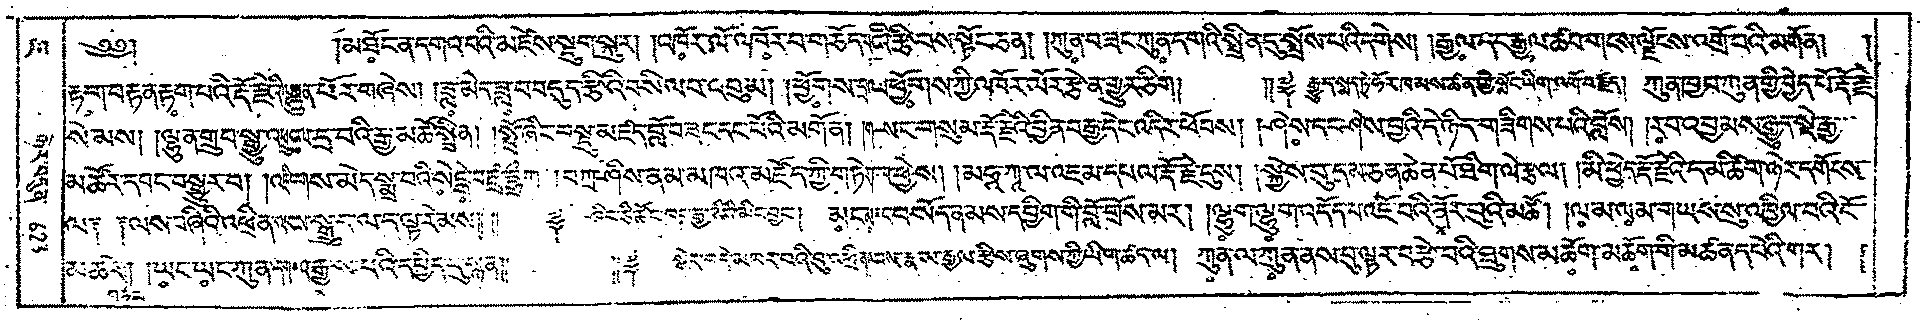༄༅། །མཐོང྾་ན་དགའ་བའི་མཛེས་སྡུག་སྐུར། །འཁོར྾་ལོ་འཁོར྾་བ་གཅོད་པའི་རྩིབས་སྟོང་ཅན། །ཀུན྾་བཟང་ཀུན྾་དགའི་སྤྲིན་དུ་སྤྲོས་པའི་དགེས། །རྒྱལ྾་དང་རྒྱལ྾་ཚབ་གངས་ལྗོངས་འགྲོ་བའི་མགོན། །
རྟག྾་བརྟན་རྟག྾་པའི་རྡོ་རྗེའི་ལྷུན་པོར་གཞེས། །ཟླ྾་མེད་ཟླ྾་བ་བདུད་རྩིའི་བསིལ་བ་འབུམ། །ཕྱོགས྾་བྲལ་ཕྱོགས྾་ཀྱི་འཁོར་ལོར་རྩེན་གྱུར་ཅིག ། །། ༈ རྒྱུད་སྨད་ཏྲེ་ཧོར་ཁམས་ཚན་གྱི་སློང་ཡིག་འགོ་བརྗོད།  ཀུན་ཁྱབ་ཀུན་གྱི་བྱེད་པོ་རྡོ་རྗེ་
སེམས། །ལྷུན་གྲུབ་སྒྱུ་འཕྲུལ་དྲ་བའི་རྒྱ་མཚོ་སྤྲིན། །སྤྲོ་ཞིང་བསྡུ་མཛད་བློ་བཟང་དང་པོའི་མགོན། །གསང་གསུམ་རྡོ་རྗེའི་བྱིན་བརྒྱ་དེང་འདིར་ཕོབས། །ཤེས྾་དང་ཤེས་བྱའི་དེ་ཉིད་གཟིགས་པའི་བློས། །རབ྾་འབྱམས་རྒྱུད་སྡེ་རྒྱ་
མཚོར་དབང་བསྒྱུར་བ། །འཇིགས་མེད་སྨྲ་བའི྾་སེངྒེ྾་བཛྲ་དྷྲྀཀ་།བཀྲ་ཤིས་ནམ་མཁའ་མཛོད་ཀྱི་གཏེར་ཁ་ཕྱེས། །མཧཱ་ཀཱ་ལ་འཇམ་དཔལ་རྡོ་རྗེ་དུས། །སྐྱེས་བུ་དམ་ཅན་ཆེན་པོ་ཐིག་ལེ་རྩལ། །མི་ཕྱེད་རྡོ་རྗེའི་དམ་ཚིག་ཉེར་དགོངས་
ལ། །ལས་བཞིའི་འཕྲིན་ལས་སྒྲུབ་ལ་ད་ལྟ་རེམས།། །། ༈ ཤིང་ཅི་ཚོང་ཁང་རྒྱ་མིའི་མིང་བྱང་།  མང྾་མང྾་བསོད་ནམས་དབྱིག་གི་བློ་གྲོས་མར། །ལྷུག྾་ལྷུག྾་འདོད་པ་འཇོ་བའི་྾་ནོར་བུའི་མཚོ། །ལམ྾་ལམ྾་གཡས་སུ་འཁྱིལ་བའི་ང་
མཚར་གཏམ། །ཡང྾་ཡང྾་ཀུན་དགའ་རྒྱས་྾་པའི་དཔྱིད་དུ་སྙན།། །། ༈ སྒེར་བདེ་མཁར་བའི་བུ་འཕྲིན་ལས་རྣམ་རྒྱལ་རྩིས་ཞུགས་ཀྱི་ཡིག་ཚད་ལ།  ཀུན྾་ལ་ཀུན྾་ནས་བུ་ལྟར་བརྩེ་བའི་ཐུགས་མཆོག྾་མཆོག྾་གི་མཚན་དཔེའི་གར། །